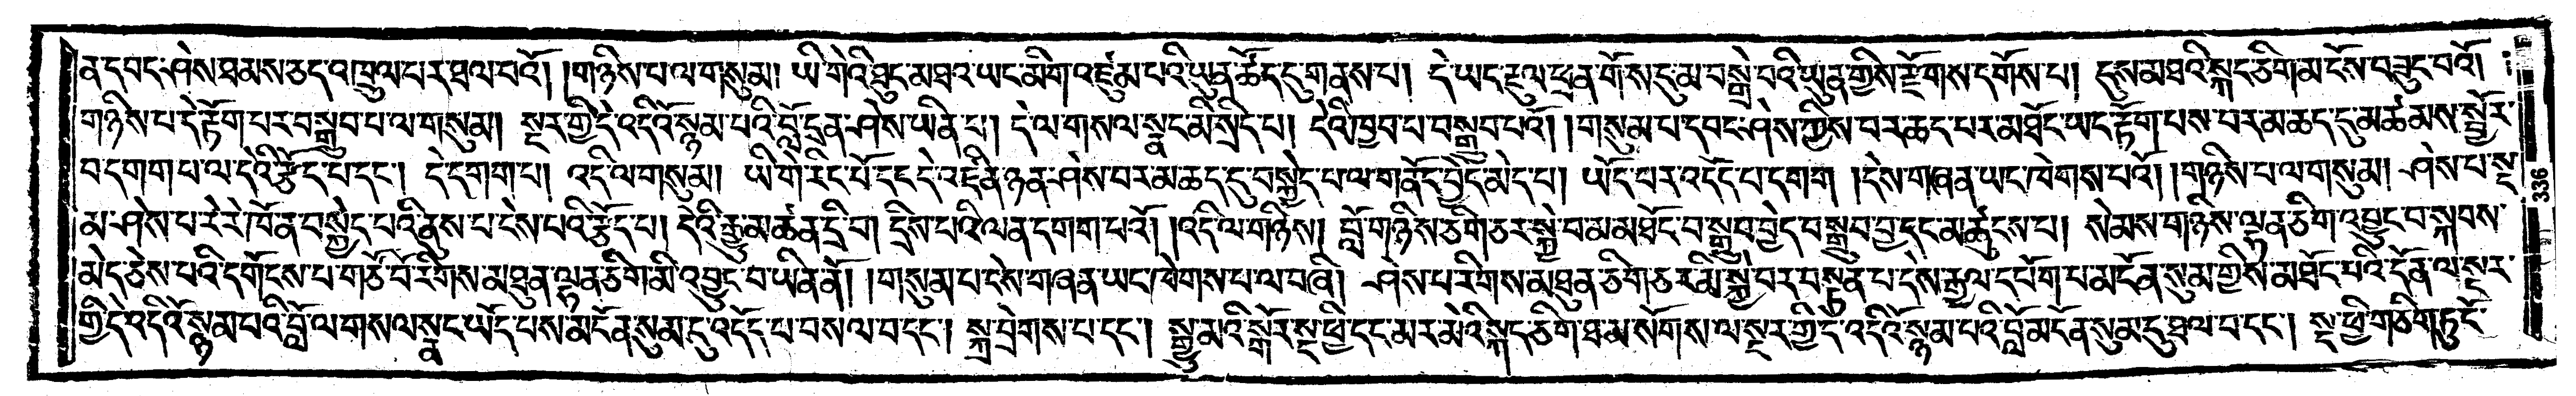ན་དབང་ཤེས་ཐམས་ཅད་འཁྲུལ་པར་ཐལ་བའོ། །གཉིས་པ་ལ་གསུམ། ཡི་གེའི་ཐུང་མཐའ་ཡང་མིག་འཛུམ་པའི་ཡུན་ཚོད་དུ་གནས་པ། དེ་ཡང་རྡུལ་ཕྲན་གོས་དུ་མ་བསྒྲེ་བའི་ཡུན་གྱིས་རྫོགས་དགོས་པ། དུས་མཐའི་སྐད་ཅིག་མ་ངོས་བཟུང་བའོ། །
གཉིས་པ་དེ་རྟོག་པར་བསྒྲུབ་པ་ལ་གསུམ། སྔར་གྱི་དེ་འདིའོ་སྙམ་པའི་བློ་དྲན་ཤེས་ཡིན་པ། དེ་ལ་གསལ་སྣང་མི་སྲིད་པ། དེའི་ཁྱབ་པ་བསྒྲུབ་པའོ། །གསུམ་པ་དབང་ཤེས་ཀྱིས་བར་ཆད་པར་མཐོང་ཡང་རྟོག་པས་བར་མ་ཆད་དུ་མཚམས་སྦྱོར་
བ་དགག་པ་ལ་དེའི་རྩོད་པ་དང་། དེ་དགག་པ། འདི་ལ་གསུམ། ཡི་གེ་རིང་པོ་དང་དེ་འཛིན་ཉན་ཤེས་བར་མ་ཆད་དུ་བསྐྱེད་པ་ལ་གནོད་བྱེད་མེད་པ། ཡོད་པར་འདོད་པ་དགག །དེས་གཞན་ཡང་ཁེགས་པའོ། །གཉིས་པ་ལ་གསུམ། ཤེས་པ་སྔ་
མ་ཤེས་པ་རེ་རེ་ཁོ་ན་བསྐྱེད་པའི་ནུས་པ་ངེས་པའི་རྩོད་པ། དེའི་རྒྱུ་མཚན་དྲི་བ། དྲིས་པའི་ལན་དགག་པའོ། །འདི་ལ་གཉིས། བློ་གཉིས་ཅིག་ཅར་སྐྱེ་བ་མ་མཐོང་བ་སྒྲུབ་བྱེད་བསྒྲུབ་བྱ་དང་མཚུངས་པ། སེམས་གཉིས་ལྷན་ཅིག་འབྱུང་བ་སྐབས་
མེད་ཅེས་པའི་དགོངས་པ་གཙོ་བོ་རིགས་མཐུན་ལྷན་ཅིག་མི་འབྱུང་བ་ཡིན་ནོ། །གསུམ་པ་ངེས་གཞན་ཡང་ཁེགས་པ་ལ་བཞི། ཤེས་པ་རིགས་མཐུན་ཅིག་ཅར་མི་སྐྱེ་བར་བསྟན་པ་དེས་རྒྱལ་དཔོག་པ་མངོན་སུམ་གྱིས་མཐོང་བའི་དོན་ལ་སྔར་
གྱི་དེ་འདིའོ་སྙམ་པའི་བློ་ལ་གསལ་སྣང་ཡོད་པས་མངོན་སུམ་དུ་འདོད་པ་བསལ་བ་དང་། སྐྲ་བྲེགས་པ་དང་། སྒྱུ་མའི་སྒོར་སྔ་ཕྱི་དང་མར་མེའི་སྐད་ཅིག་ཐ་མ་སོགས་ལ་སྔར་གྱི་དེ་འདིའོ་སྙམ་པའི་བློ་མངོན་སུམ་དུ་ཐལ་བ་དང་། སྔ་ཕྱི་གཅིག་ཏུ་ངོ་